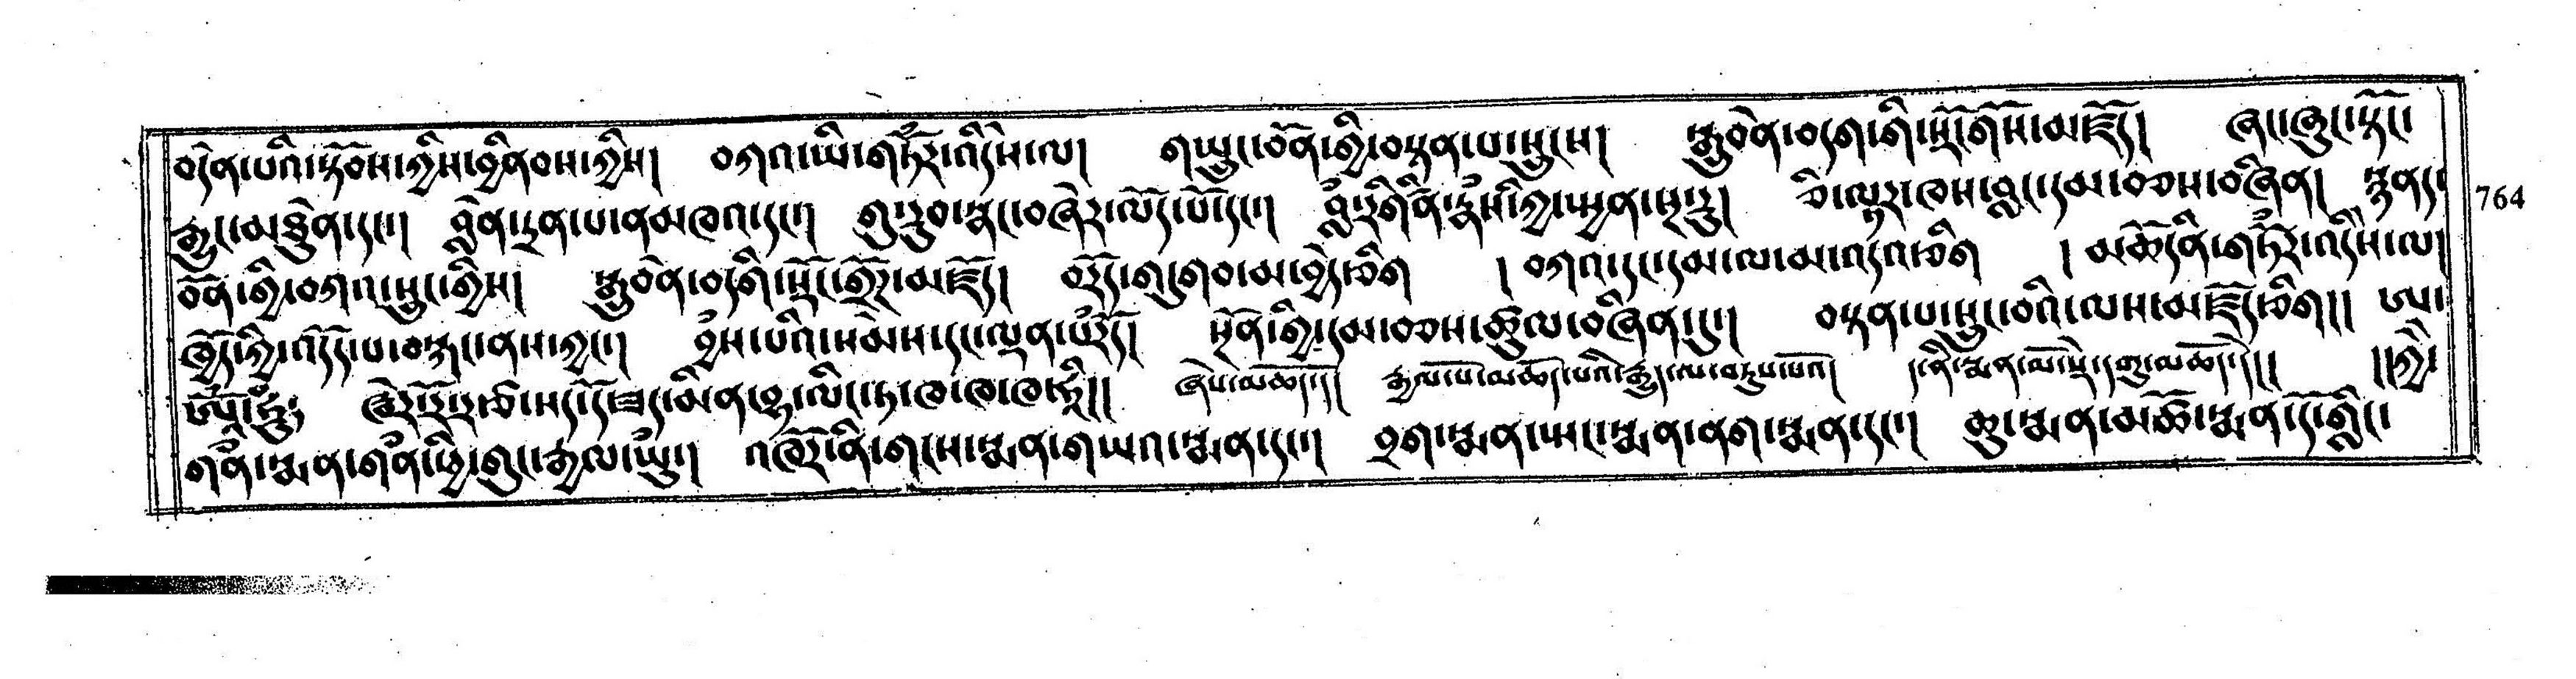བདེན་པའི་སྟོབས་ཀྱིས་བྱིན་རླབས་ཀྱིས། བཀའ་ཡི་གཏོར་མ་འདི་བཞེས་ལ། གཡུང་དྲུང་བོན་གྱི་བསྟན་པ་སྲུངས། སྒྲུབ་གཤེན་བདག་གི་སྡོང་གྲོགས་མཛོད། ཞང་ཞུང་སྟོང་
རྒྱུང་མཐུ་ཆེན་དང་། བླ་ཆེན་དྲན་པ་ནམ་མཁའ་དང་། གུ་རུབ་སྣང་བཞེར་ལོད་པོ་དང་། བླ་མ་རིག་འཛིན་རྣམས་ཀྱི་སྤྱན་སྔ་རུ། ཅི་ལྟར་ཁས་བླང་དམ་བཅས་བཞིན། སྙན་རྒྱུད་
བོན་གྱི་བཀའ་སྲུང་གྱིས། སྒྲུབ་གཤེན་བདག་གི་སྡོང་གྲོགས་མཛོད། བར་ཆོད་གདུག་རྩུབ་མ་བྱེད་ཅིག བཀའ་དང་དམ་ལ་མ་འདའ་ཅིག །མཆོད་སྦྱིན་གཏོར་མ་འདི་བཞེས་ལ། 
ཁྱོད་ཀྱི་འདོད་པ་བསྐང་ནས་ཀྱང་། བྱམས་པའི་སེམས་དང་ལྡན་པར་མཛོད། སྔོན་གྱི་དམ་བཅས་ཚུལ་བཞིན་དུ། བསྟན་པ་སྲུང་བའི་ལས་མཛོད་ཅིག ཨ་
ཨཱོཾ་ཧཱུཾ ཝེར་རོ་ར་ཙ་སད་དོ་ཟད་མིན་བྷ་ལིང་ཏ་ཁ་ཁ་ཁ་ཧཱི།། ཞེས་མཆོད་དོ། རྒྱལ་པོ་མཆོད་པའི་རྒྱུད་ལ་བཏུས་པའོ། ད་ནི་སྨན་མོ་སྡེ་དགུ་མཆོད་དེ། །།ཀྱཻ་
གནམ་སྨན་གནམ་ཕྱི་གུང་རྒྱལ་ཡུམ། འཁོར་ནི་གངས་སྨན་གཡའ་སྨན་དང་། བྲག་སྨན་སྤང་སྨན་ནགས་སྨན་དང་། ཆུ་སྨན་མཚོ་སྨན་དོ་གླིང་